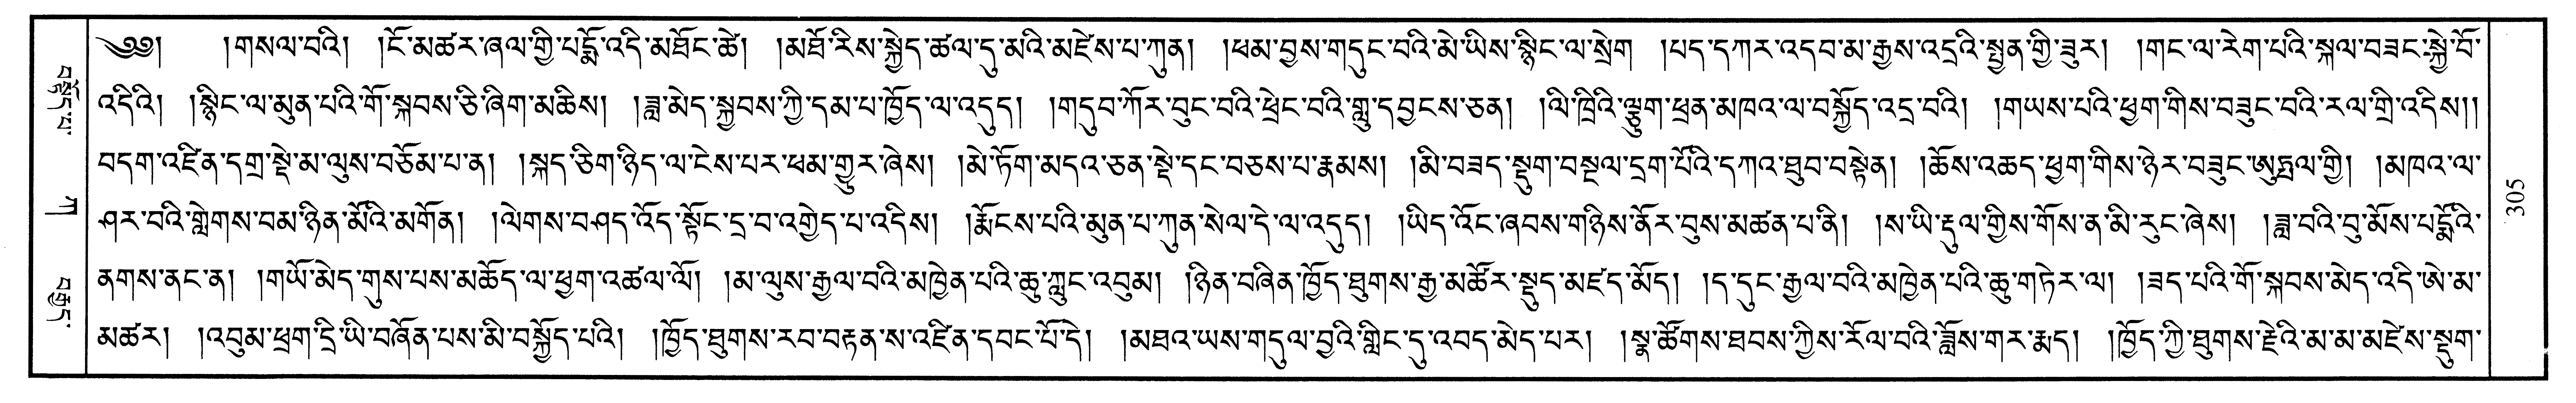༄༅། །གསལ་བའི། །ངོ་མཚར་ཞལ་གྱི་པདམོ་འདི་མཐོང་ཚེ། །མཐོ་རིས་སྐྱེད་ཚལ་དུ་མའི་མཛེས་པ་ཀུན། །ཕམ་བྱས་གདུང་བའི་མེ་ཡིས་སྙིང་ལ་སྲེག །པད་དཀར་འདབ་མ་རྒྱས་འདྲའི་སྤྱན་གྱི་ཟུར། །གང་ལ་རེག་པའི་སྐལ་བཟང་སྐྱེ་བོ་
འདིའི། །སྙིང་ལ་མུན་པའི་གོ་སྐབས་ཅི་ཞིག་མཆིས། །ཟླ་མེད་སྐྱབས་ཀྱི་དམ་པ་ཁྱོད་ལ་འདུད། །གདུབ་ཀོར་བུང་བའི་ཕྲེང་བའི་གླུ་དབྱངས་ཅན། །ལི་ཁྲིའི་ལྕུག་ཕྲན་མཁའ་ལ་བསྐྱོད་འདྲ་བའི། །གཡས་པའི་ཕྱག་གིས་བཟུང་བའི་རལ་གྲི་འདིས།།
བདག་འཛིན་དགྲ་སྡེ་མ་ལུས་བཅོམ་པ་ན། །སྐད་ཅིག་ཉིད་ལ་ངེས་པར་ཕམ་གྱུར་ཞེས། །མེ་ཏོག་མདའ་ཅན་སྡེ་དང་བཅས་པ་རྣམས། །མི་བཟད་སྡུག་བསྔལ་དྲག་པོའི་དཀའ་ཐུབ་བསྟེན། །ཆོས་འཆད་ཕྱག་གིས་ཉེར་བཟུང་ཨུཏྤལ་གྱི། །མཁའ་ལ་
ཤར་བའི་གླེགས་བམ་ཉིན་མོའི་མགོན། །ལེགས་བཤད་འོད་སྟོང་དྲ་བ་འགྱེད་པ་འདིས། །རྨོངས་པའི་མུན་པ་ཀུན་སེལ་དེ་ལ་འདུད། །ཡིད་འོང་ཞབས་གཉིས་ནོར་བུས་མཚན་པ་ནི། །ས་ཡི་རྡུལ་གྱིས་གོས་ན་མི་རུང་ཞེས། །ཟླ་བའི་བུ་མོས་པདམོའི་
ནགས་ནང་ན། །གཡོ་མེད་གུས་པས་མཆོད་ལ་ཕྱག་འཚལ་ལོ། །མ་ལུས་རྒྱལ་བའི་མཁྱེན་པའི་ཆུ་ཀླུང་འབུམ། །ཉིན་བཞིན་ཁྱོད་ཐུགས་རྒྱ་མཚོར་སྡུད་མཛད་མོད། །ད་དུང་རྒྱལ་བའི་མཁྱེན་པའི་ཆུ་གཏེར་ལ། །ཟད་པའི་གོ་སྐབས་མེད་འདི་ཨེ་མ་
མཚར། །འབུམ་ཕྲག་དྲི་ཡི་བཞོན་པས་མི་བསྐྱོད་པའི། །ཁྱོད་ཐུགས་རབ་བརྟན་ས་འཛིན་དབང་པོ་དེ། །མཐའ་ཡས་གདུལ་བྱའི་གླིང་དུ་འབད་མེད་པར། །སྣ་ཚོགས་ཐབས་ཀྱིས་རོལ་བའི་ཟློས་གར་རྨད། །ཁྱོད་ཀྱི་ཐུགས་རྗེའི་མ་མ་མཛེས་སྡུག་